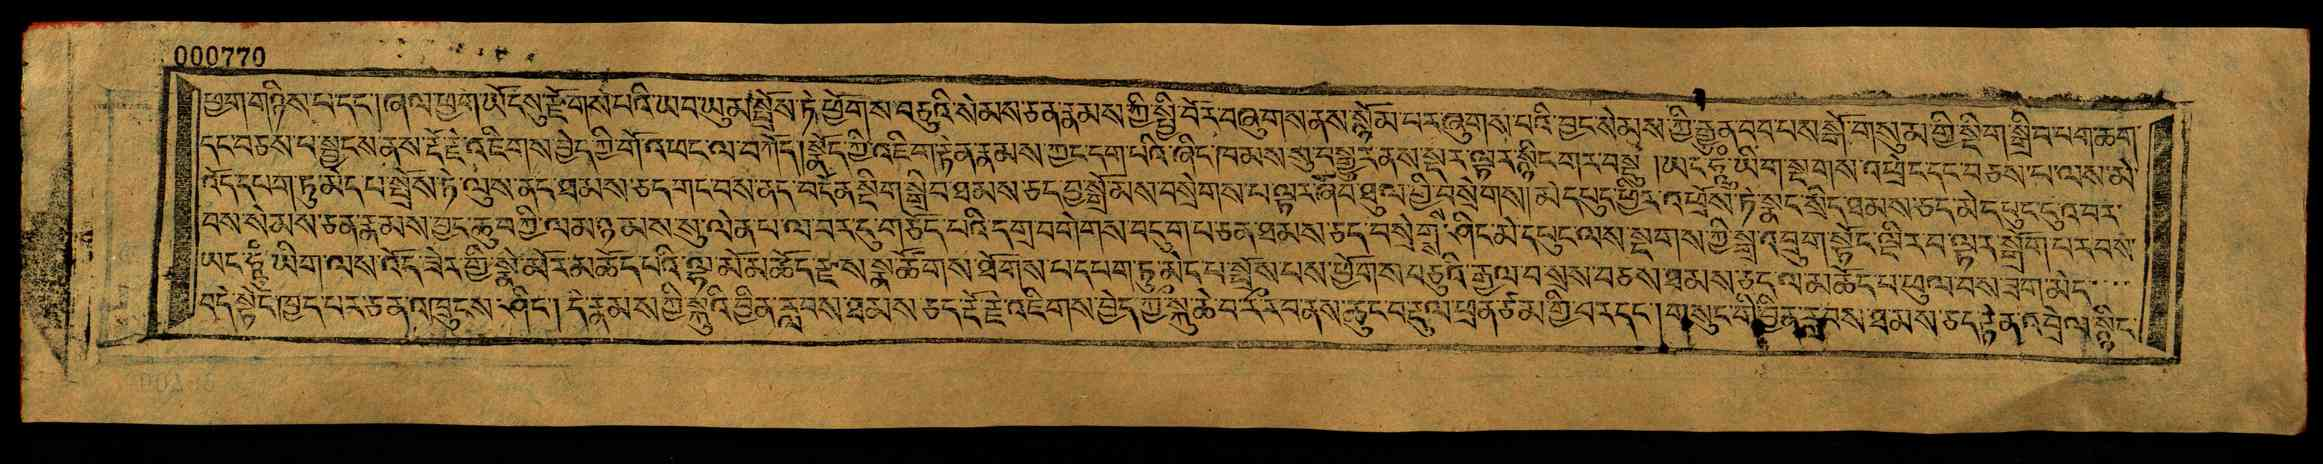ཕྱག་གཉིས་པ་དང་། ཞལ་ཕྱག་ཡོངས་སུ་རྫོགས་པའི་ཡབ་ཡུམ་སྤྲོས་ཏེ་ཕྱོགས་བཅུའི་སེམས་ཅན་རྣམས་ཀྱི་སྤྱི་བོར་བཞུགས་ནས་སྙོམ་པར་ཞུགས་པའི་བྱང་སེམས་ཀྱི་རྒྱུན་བབ་པས་སྒོ་གསུམ་གྱི་སྡིག་སྒྲིབ་བག་ཆགས་
དང་བཅས་པ་སྦྱངས་ནས་རྡོ་རྗེ་འཇིགས་བྱེད་ཀྱི་གོ་འཕང་ལ་བཀོད། སྣོད་ཀྱི་འཇིག་རྟེན་རྣམས་ཀྱང་དག་པའི་ཞིང་ཁམས་སུ་བསྒྱུར་ནས་སྔར་ལྟར་སྙིང་གར་བསྡུ། ཡང་ཧཱུཾ་ཡིག་སྔགས་འཕྲེང་དང་བཅས་པ་ལས་མེ་
འོད་དཔག་ཏུ་མེད་པ་སྤྲོས་ཏེ་ལུས་ནང་ཐམས་ཅད་གང་བས་ནད་གདོན་སྡིག་སྒྲིབ་ཐམས་ཅད་བྱ་སྒྲོ་མེས་བསྲེགས་པ་ལྟར་ཞོབ་ཐུལ་གྱིས་བསྲེགས། མེ་དཔུང་ཕྱིར་འཕྲོས་ཏེ་སྣང་སྲིད་ཐམས་ཅད་མེ་དཔུང་དུ་འབར་
བས་སེམས་ཅན་རྣམས་བྱང་ཆུབ་ཀྱི་ལམ་ཉམས་སུ་ལེན་པ་ལ་བར་དུ་གཅོད་པའི་དགྲ་བགེགས་བདུག་པ་ཅན་ཐམས་ཅད་བསྲེགས་ཤིང་མེ་དཔུང་ལས་སྔགས་ཀྱི་སྒྲ་འབྲུག་སྟོང་ལྡིར་བ་ལྟར་སྒྲོག་པར་བསཾ།
ཡང་ཧཱུཾ་ཡིག་ལས་འོད་ཟེར་གྱི་སྣེ་མོར་མཆོད་པའི་ལྷ་མོ་མཆོད་རྫས་སྣ་ཚོགས་ཐོགས་པ་དཔག་ཏུ་མེད་པ་སྤྲོས་པས་ཕྱོགས་བཅུའི་རྒྱལ་བ་སྲས་བཅས་ཐམས་ཅད་ལ་མཆོད་པ་ཕུལ་བས་ཟག་མེད་ཀྱི་
བདེ་སྟོང་ཁྱད་པར་ཅན་འཁྲུངས་ཤིང་། དེ་རྣམས་ཀྱི་སྐུའི་བྱིན་རླབས་ཐམས་ཅད་རྡོ་རྗེ་འཇིགས་བྱེད་ཀྱི་སྐུ་ཆེ་བ་རི་རབ་ནས་ཆུང་བ་རྡུལ་ཕྲན་ཙམ་གྱི་བར་དང་། གསུང་གི་བྱིན་རླབས་ཐམས་ཅད་རྟེན་འབྲེལ་སྙིང་